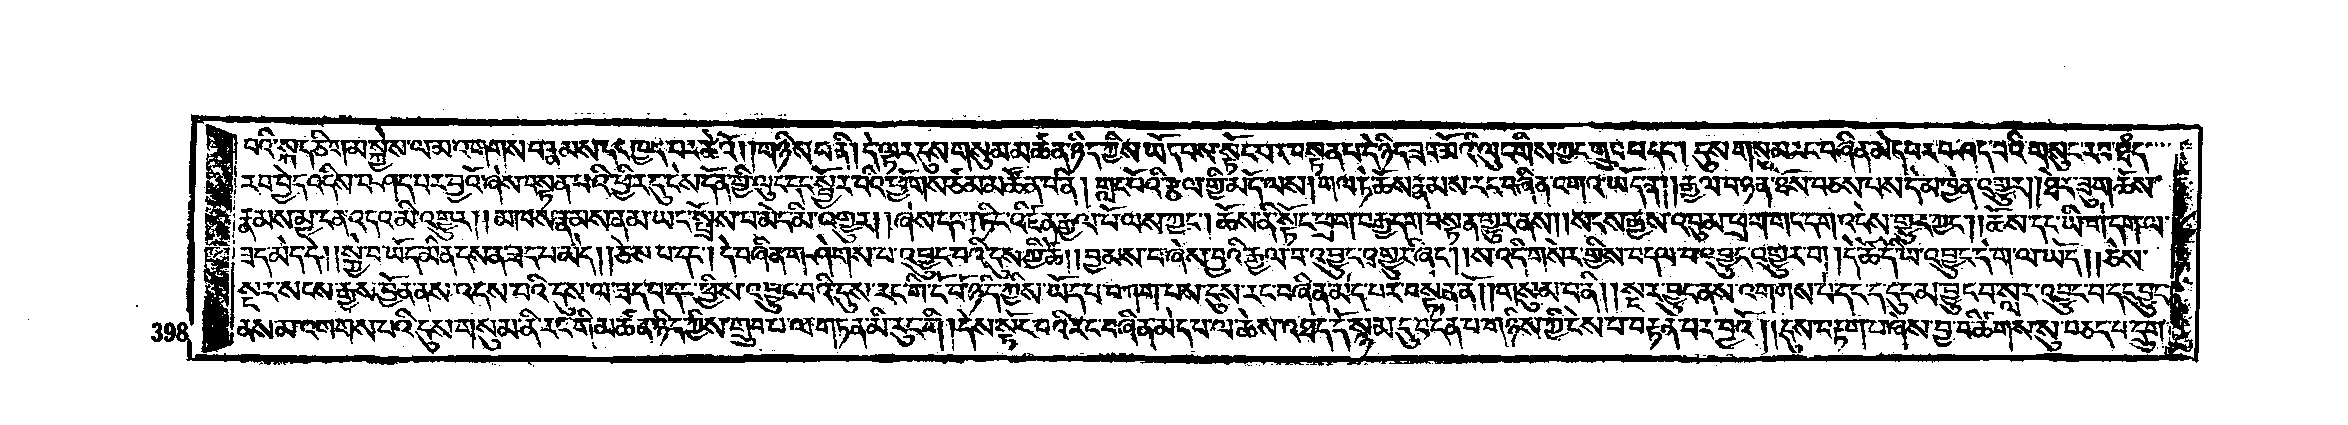པའི་སྐད་ཅིག་མ་སྐྱེས་ལ་མ་འགགས་པ་རྣམས་དང་ཁྱད་པར་ཆེའོ། །གཉིས་པ་ནི། དེ་ལྟར་དུས་གསུམ་མཚན་ཉིད་ཀྱིས་ཡོད་པས་སྟོང་པར་བསྟན་པ་དེ་ཉིད་ཟབ་མོའི་ལུང་གིས་ཀྱང་གྲུབ་པ་དང་། དུས་གསུམ་རང་བཞིན་མེད་པར་བཤད་པའི་གསུང་རབ་ཐཾད་
རབ་བྱེད་འདིས་བཤད་པར་བྱའོ་ཞེས་བསྟན་པའི་ཕྱིར་དུ་ངེས་དོན་གྱི་ལུང་དང་སྦྱོར་བའི་ཕྱོགས་ཙམ་མཚོན་པ་ནི། གླང་པོའི་རྩལ་གྱི་མདོ་ལས། གལ་ཏེ་ཆོས་རྣམས་རང་བཞིན་འགའ་ཡོད་ན། །རྒྱལ་བ་ཉན་ཐོས་བཅས་པས་དེ་མ་ཁྱེན་འགྱུར། །ཐེར་ཟུག་ཆོས་
རྣམས་མྱ་ངན་འདའ་མི་འགྱུར། །མཁས་རྣམས་ནམ་ཡང་སྤྲོས་པ་མེད་མི་འགྱུར། །ཞེས་དང་། ཏིང་འཛིན་རྒྱལ་པོ་ལས་ཀྱང་། ཆོས་ནི་སྟོང་ཕྲག་བརྒྱ་དག་བསྟན་གྱུར་ནས། །སངས་རྒྱས་འབུམ་ཕྲག་གང་དག་འདས་གྱུར་ཀྱང་། །ཆོས་དང་ཡི་གེ་དག་ལ་
ཟད་མེད་དེ།། སྐྱེ་བ་ཡོད་མིན་དས་ན་ཟད་པ་མེད། །ཅེས་པ་དང་། དེ་བཞིན་གཤེགས་པ་འབྱུང་བའི་དུས་ཀྱི་ཚེ། །བྱམས་པ་ཞེས་བྱའི་རྒྱལ་བ་འབྱུང་འགྱུར་ཞིང་། །ས་འདི་གསེར་གྱིས་བདལ་བ་འབྱུང་འགྱུར་བ། །དེ་ཚེ་དེ་ཡི་འབྱུང་དེ་ག་ལ་ཡོད། །ཅེས་
སྔར་སངས་རྒྱས་བྱོན་ནས་འདས་པའི་དུས་ལ་ཟད་པ་དང་ཕྱིས་འབྱུང་བའི་དུས་རང་གི་ངོ་བོ་ཉིད་ཀྱིས་ཡོད་པ་བཀག་པས་དུས་རང་བཞིན་མེད་པར་བསྟན་ནོ། །གསུམ་པ་ནི། །སྔར་བྱུང་ནས་འགགས་པ་དང་ད་དུང་མ་བྱུང་བ་སླར་འབྱུང་བ་དང་བྱུང་
ནས་མ་འགགས་པའི་དུས་གསུམ་ནི་རང་གི་མཚན་ཉིད་ཀྱིས་གྲུབ་པ་ལ་གཏན་མི་རུང་གི། དེས་སྟོང་པའི་རང་བཞིན་མེད་པ་ལ་ཆེས་འཐད་དོ་སྙམ་དུ་བདེན་པ་གཉིས་ཀྱི་ངེས་པ་བརྟན་པར་བྱའོ། །དུས་བརྟག་པ་ཞེས་བྱ་བ་ཚིགས་སུ་བཅད་པ་དྲུག་